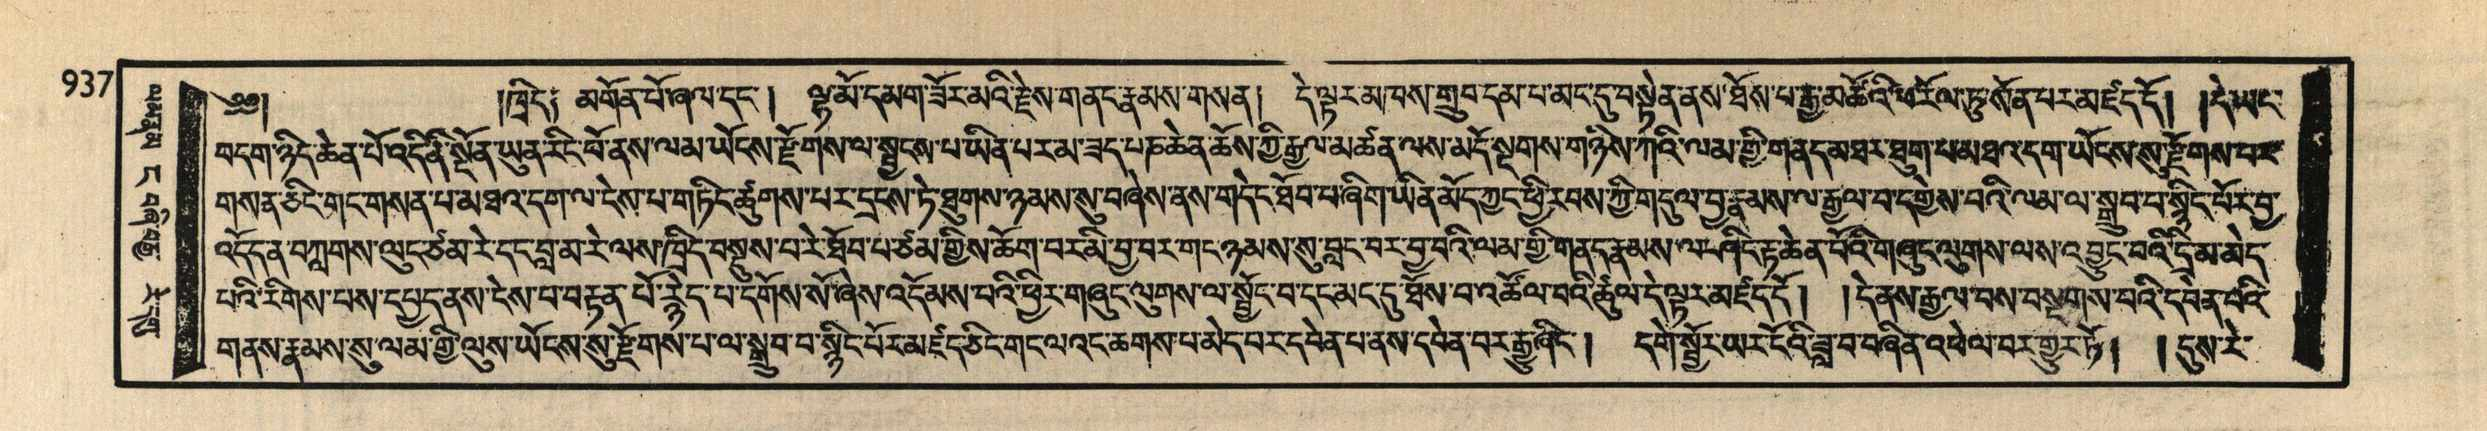༄༅། །ཁྲིད༑ མགོན་པོ་ཞལ་དང་། ལྷ་མོ་དམག་ཟོར་མའི་རྗེས་གནང་རྣམས་གསན། དེ་ལྟར་མཁས་གྲུབ་དམ་པ་མང་དུ་བསྟེན་ནས་ཐོས་པ་རྒྱ་མཚོའི་ཕ་རོལ་ཏུ་སོན་པར་མཛད་དོ། །དེ་ཡང་
བདག་ཉིད་ཆེན་པོ་འདི་ནི་སྔོན་ཡུན་རིང་པོ་ནས་ལམ་ཡོངས་རྫོགས་ལ་སྦྱངས་པ་ཡིན་པར་མ་ཟད་པཎ་ཆེན་ཆོས་ཀྱི་རྒྱལ་མཚན་ལས་མདོ་སྔགས་གཉིས་ཀའི་ལམ་གྱི་གནད་མཐར་ཐུག་པ་མཐའ་དག་ཡོངས་སུ་རྫོགས་པར་
གསན་ཅིང་གང་གསན་པ་མཐའ་དག་ལ་ངེས་པ་གཏིང་ཚུགས་པར་དྲངས་ཏེ་ཐུགས་ཉམས་སུ་བཞེས་ནས་གདེང་ཐོབ་པ་ཞིག་ཡིན་མོད་ཀྱང་ཕྱི་རབས་ཀྱི་གདུལ་བྱ་རྣམས་ལ་རྒྱལ་བ་དགྱེས་བའི་ལམ་ལ་སྒྲུབ་པ་སྙིང་པོར་བྱ་
འདོད་ན་བཀླགས་ལུང་ཙམ་རེ་དང་བླ་མ་རེ་ལས་ཁྲིད་བསྡུས་པ་རེ་ཐོབ་པ་ཙམ་གྱིས་ཆོག་བར་མི་བྱ་བར་གང་ཉམས་སུ་བླང་བར་བྱ་བའི་ལམ་གྱི་གནད་རྣམས་ལ་ཤིང་རྟ་ཆེན་པོའི་གཞུང་ལུགས་ལས་འབྱུང་བའི་དྲི་མ་མེད་
པའི་རིགས་པས་དཔྱད་ནས་ངེས་པ་བརྟན་པོ་རྙེད་པ་དགོས་སོ་ཞེས་འདོམས་པའི་ཕྱིར་གཞུང་ལུགས་ལ་སྦྱོང་བ་དང་མང་དུ་ཐོས་བ་འཚོལ་བའི་ཚུལ་དེ་ལྟར་མཛད་དོ། །དེ་ནས་རྒྱལ་བས་བསྔགས་པའི་དབེན་པའི་
གནས་རྣམས་སུ་ལམ་གྱི་ལུས་ཡོངས་སུ་རྫོགས་པ་ལ་སྒྲུབ་བ་སྙིང་པོར་མཛད་ཅིང་གང་ལའང་ཆགས་པ་མེད་པར་དབེན་པ་ནས་དབེན་བར་རྒྱུ་ཞིང་། དགེ་སྦྱོར་ཡར་ངོའི་ཟླ་བ་བཞིན་འཕེལ་བར་གྱུར་ཏོ། །དུས་རེ་